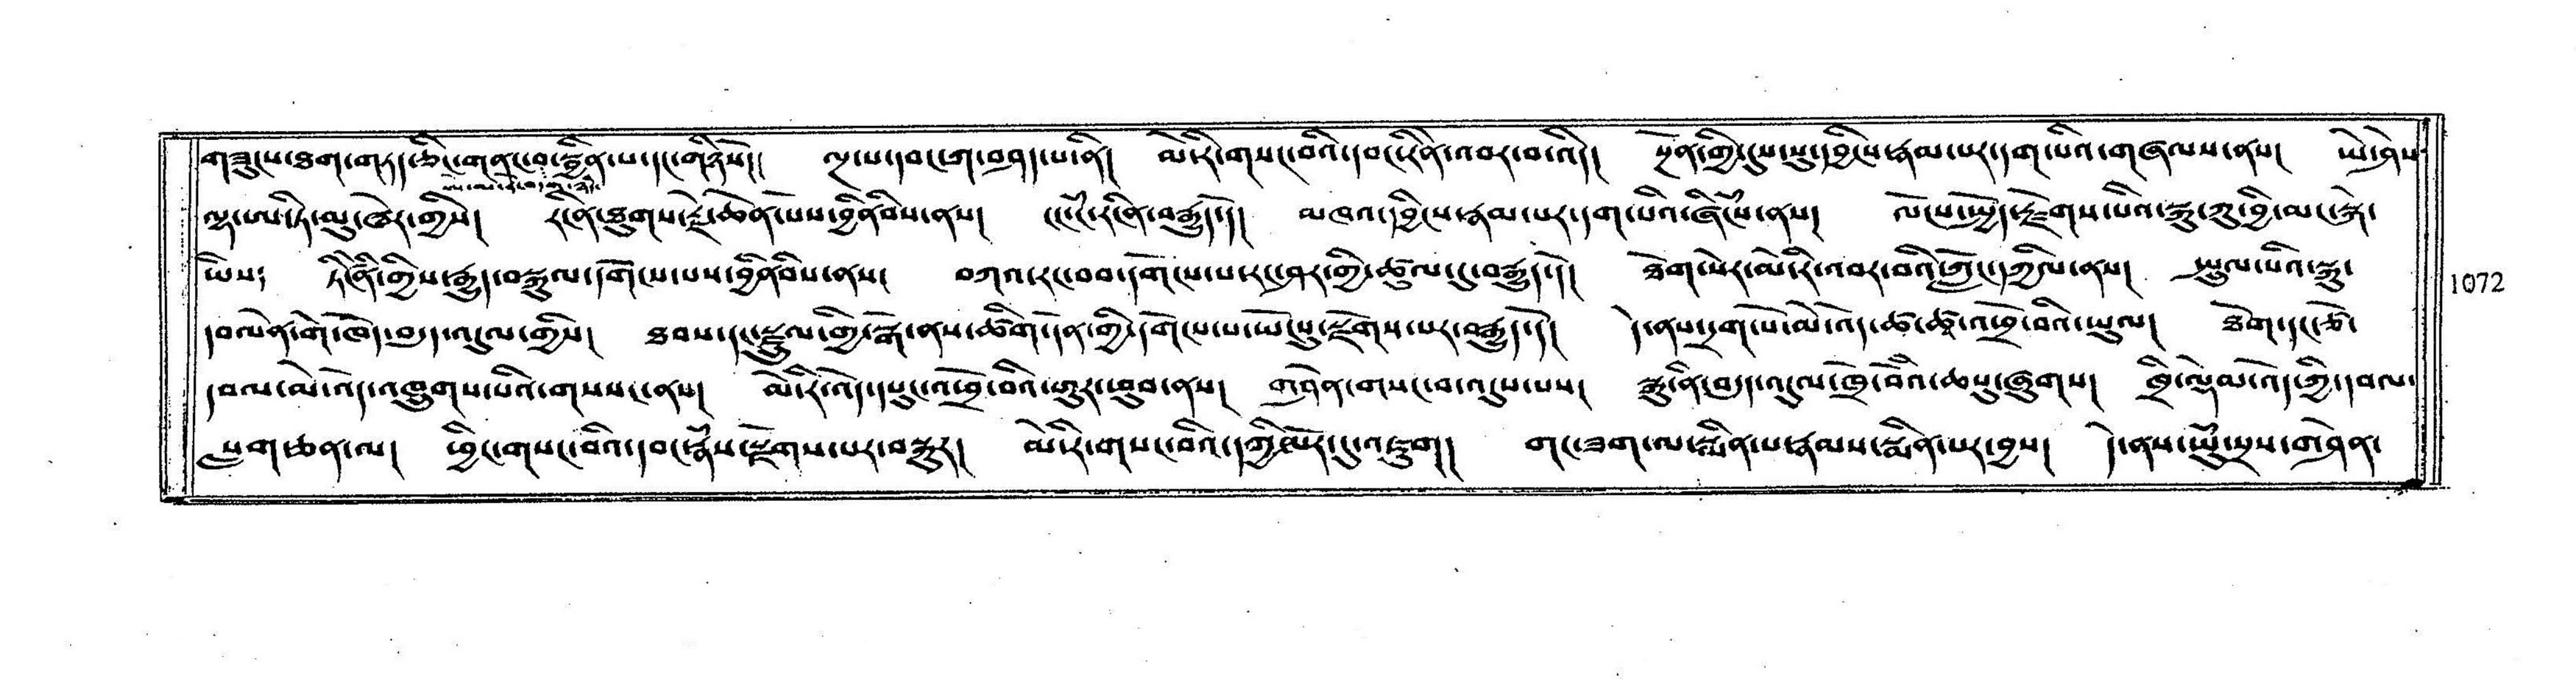གཟུངས་ཐག་གཏད་ཅིང་གནང་བ་ཨེ་མ་ཧོ་བདག་ཉིད སྦྱིན་པ་དང་གཉིས་སོ།། ལྔ་པ་དབང་ཀ་བཤད་པ་ནི། མེ་རི་གསང་བའི་དབང་རིན་ཆེན་འབར་བ་འདི། སྔོན་གྱི་དུས་སུ་དབྱིངས་རྣམ་པར་དག་པའི་གཞལ་ཡས་ནས། ཡེ་ཤེས་
ལྷ་ཨ་ཏི་མུ་ཝེར་གྱིས། རང་བཞིན་ཐུགས་རྗེ་ཆེན་པོས་བྱིན་གྱིས་རླབས་ནས། ངང་ངམ་རང་བཞིན་བརྒྱུད་དོ། མཁའ་དབྱིངས་རྣམ་པར་དག་པའི་ཞིང་ཁམས་ནས། ལོངས་སྤྱོད་རྫོགས་པའི་སྐུ་ཀུ་བྱི་མང་སྐེ་
ཡིས། ཏིང་ངེ་འཛིན་གྱིས་རྒྱུད་བསྐུལ་དགོངས་པས་བྱིན་གྱིས་རླབས་ནས། བཀའ་རང་བབ་དགོངས་པ་རང་ཤར་གྱི་ཚུལ་དུ་བརྒྱུད་དོ། ཐོག་སེར་མེ་རི་འབར་བའི་ཀློང་དཀྱིལ་ནས། སྤྲུལ་པའི་སྐུ་
དབལ་ཆེན་གེ་ཁོད་བདུད་འདུལ་གྱིས། ཐབས་དང་རྫུ་འཕྲུལ་གྱི་སྒོ་ནས་ཚིག་དོན་གྱི་དགོངས་པ་ཡོངས་སུ་རྫོགས་པར་བརྒྱུད་དོ། དེ་ནས་དྲག་པོ་མེ་འོད་ཚྭ་ཚྭ་འཕྲོ་བའི་ཡུལ། ཐོག་དང་ཙོ་
དབལ་མེ་འོད་འཁྲུགས་པའི་གསས་ཁང་ནས། མེ་རི་འོད་དཔུང་འཕྲོ་བའི་གུར་ཕུབ་ནས། གཤེན་གསང་བ་འདུས་པས། སྐུ་ནི་བདུད་འདུལ་ཁྲོ་བོའི་ཆས་སུ་ཞུགས། ཁྲི་ལྡེམ་འོད་ཀྱི་དབལ་
སླག་ཅན་ལ། ཕྱི་ནང་གསང་བའི་དབང་རྣམས་རྫོགས་པར་བསྐུར། མེ་རི་གསང་བའི་དཀྱིལ་འཁོར་དུ་འཇུག གང་ཟག་ལ་སྨིན་པ་རྣམས་སྨིན་པར་བྱས། དེ་ནས་ཡུམ་སྲས་གཤེན་